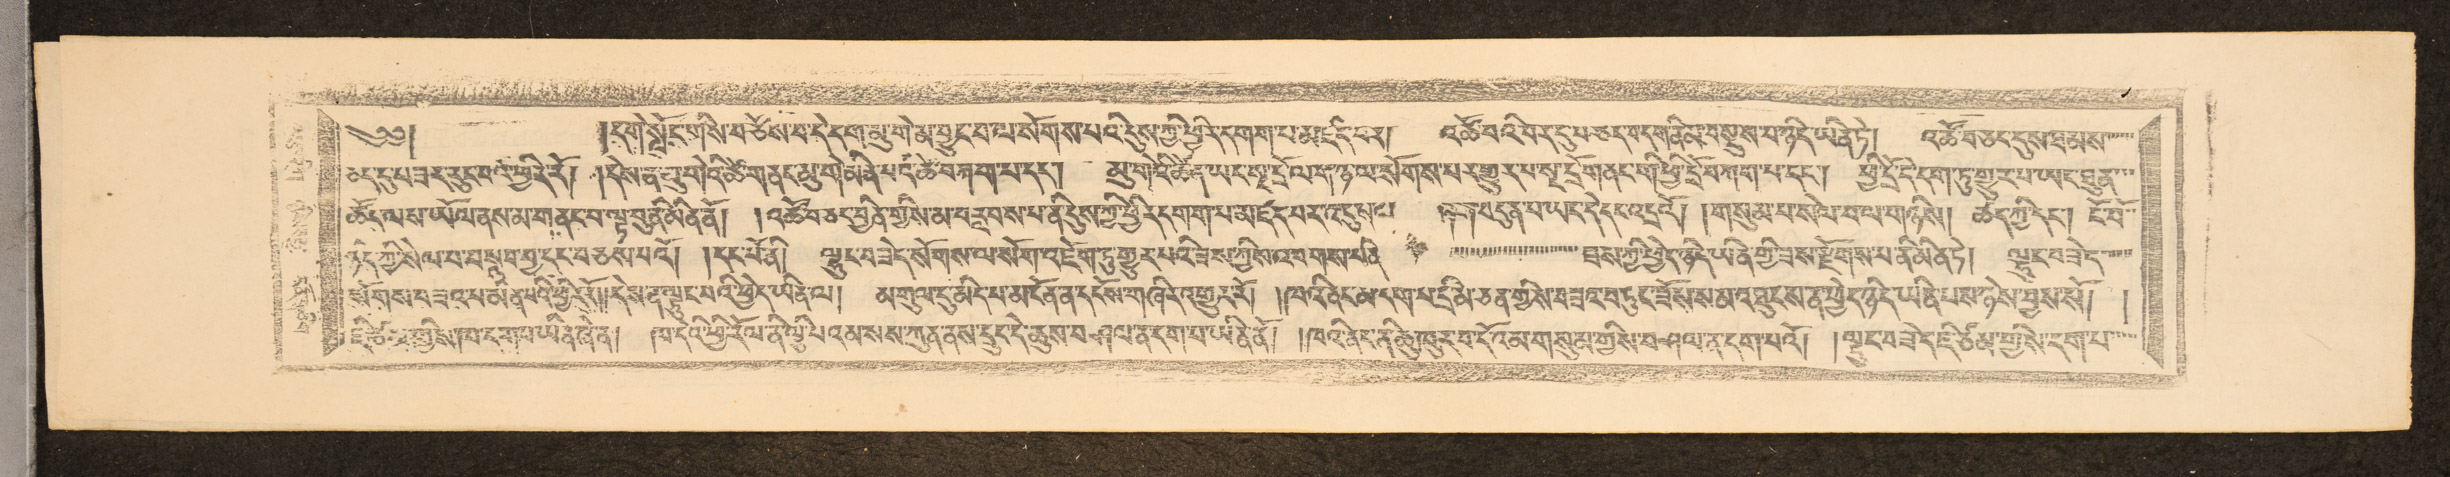༄༅། །དགེ་སློང་གིས་བཙོས་པ་དེ་དག་མུ་གེ་མ་བྱུང་བ་ལ་སོགས་པའི་དུས་ཀྱི་ཕྱིར་དགག་པ་མཛད་པར། འཚོ་བའི་བར་དུ་བཅང་བ་དག་ནི་མ་བསྡུས་པ་ཉིད་ཡིན་ཏེ། འཚོ་བཅད་དུས་ཐམས་
ཅད་དུ་བཟར་རུང་པའི་ཕྱིར་རོ། །དེས་ན་མུ་གེའི་ཚེ་གནང་མུ་གེ་མིན་པའི་ཚེ་བཀག་པ་དང་། མུ་གེའི་ཚེན་ཡང་སྔ་དྲོ་ལག་ཉ་ལ་སོགས་པར་གྱུར་པ་སྔ་དྲོ་གནང་གི་ཕྱི་དྲོ་བཀག་པ་དང་། ཕྱི་དྲོ་དེ་དག་ཏུ་གྱུར་པ་ཡང་ཐུན་
ཚོད་ལས་ཡོལ་ནས་མ་གནང་བ་ལྟ་བུ་ནི་མིན་ནོ། །འཚོ་བཅང་བྱིན་གྱིས་མ་བརླབས་པ་ནི་དུས་ཀྱི་ཕྱིར་དགག་པ་མཛད་པར་འདུས་ལ། ཞག་བདུན་པ་ཡང་དེ་དང་འདྲའོ། །གསུམ་བསེལ་བ་ལ་གཉིས། ཚད་ཀྱི་དང་། ངོ་བོ་
ཉིད་ཀྱི་སེལ་བ་བསླབ་བྱ་དང་བཅས་པའོ། །དང་པོ་ནི། ལྷུང་བ་ཟེད་སོགས་ལ་སོག་འཇོག་ཏུ་གྱུར་པའི་ཟས་ཀྱིས་འབགས་པ་ནི་ཟས་ཀྱི་ཕྱེད་ཉིད་ཡིན་གྱི་ཟས་རྫོགས་པ་ནི་མིན་ཏེ། ལྷུང་བཟེད་
སོགས་བཟའ་པ་མིན་པའི་ཕྱིར་རོ། །དེས་ན་ལྷུང་བའི་ཕྱེད་ཡིན་ལ། མགུལ་དུ་མིད་པ་མངོན་ན་དངོས་གཞིར་འགྱུར་རོ། །ཁའི་ནང་མ་དག་པ་དྲི་མ་ཅན་གྱིས་བཟའ་བཏུང་ཟོས་སམ་འཐུངས་ན་ཕྱེད་ཉིད་ཡིན་པས་ཉེས་བྱས་སོ། །
ཇི་ཙམ་གྱིས་ཁ་དག་པ་ཡིན་ཞེ་ན། ཁ་དེའི་ཕྱི་རོལ་ནི་ལྕི་བ་འམ་སས་ཀུན་ནས་དྲུད་དེ་ཆུས་བཤལ་ན་དག་པ་ཡིན་ནོ། །ཁའི་ནང་ནི་ཆུ་ཁུར་བ་དོ་འམ་གསུམ་གྱིས་བཤལ་ན་དག་པའོ། །ལྷུང་བཟེད་ཇི་ཙམ་གྱིས་དག་པ་